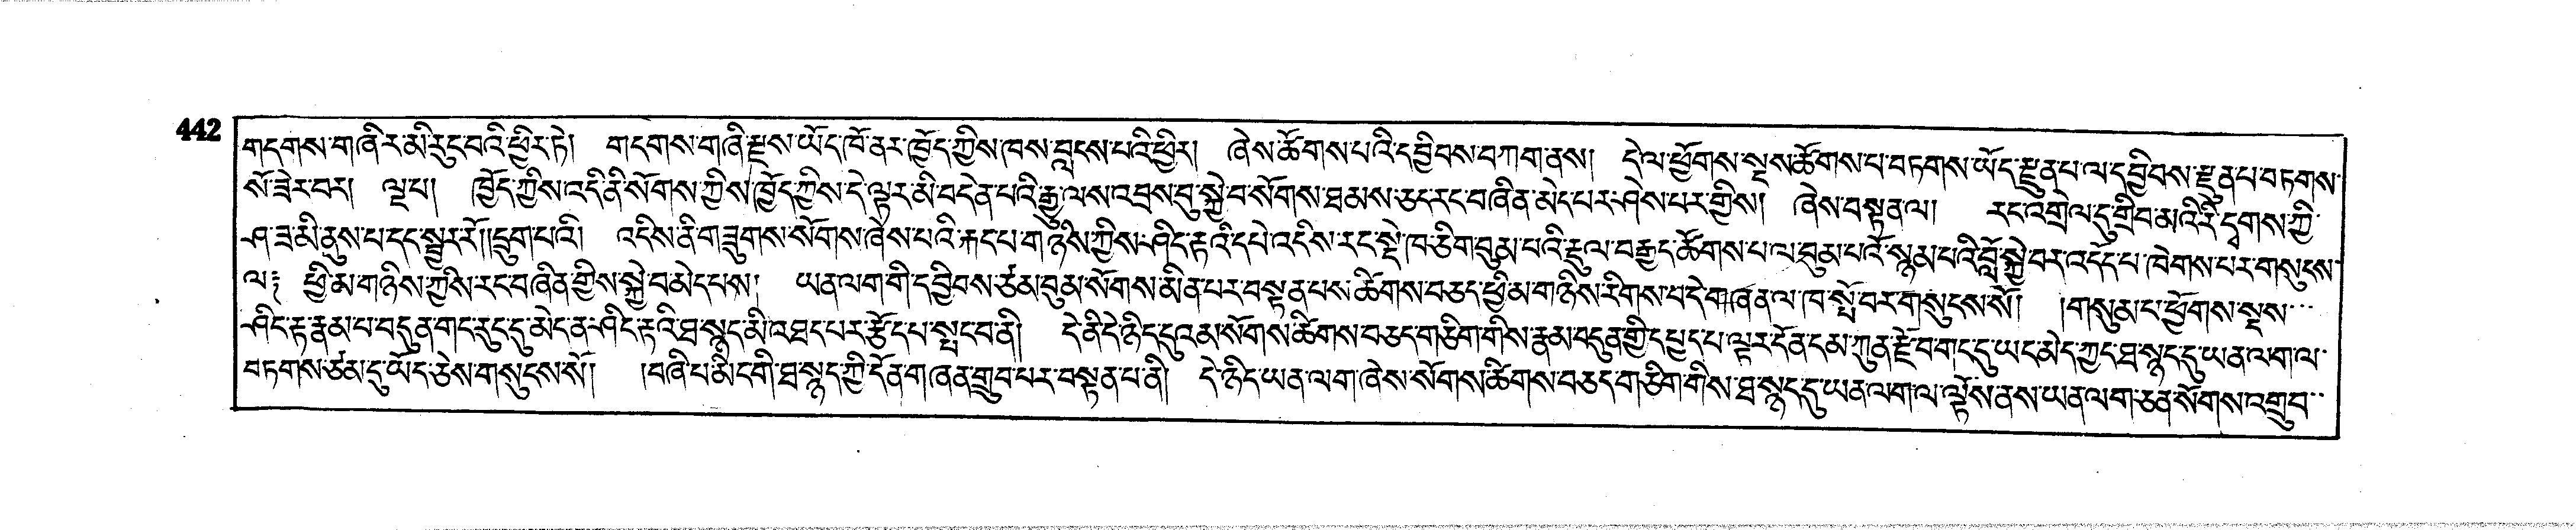གདགས་གཞིར་མི་རུང་བའི་ཕྱིར་ཏེ། གདགས་གཞི་རྫས་ཡོད་ཁོ་ནར་ཁྱོད་ཀྱིས་ཁས་བླངས་པའི་ཕྱིར། ཞེས་ཚོགས་པའི་དབྱིབས་བཀག་ནས། དེ་ལ་ཕྱོགས་སྔས་ཚོགས་པ་བཏགས་ཡོད་རྫུན་པ་ལ་དབྱིབས་རྫུན་པ་བཏགས་
སོ་ཟེར་བར། ལྔ་པ། ཁྱོད་ཀྱིས་འདི་ནི་སོགས་ཀྱིས་ཁྱོད་ཀྱིས་དེ་ལྟར་མི་བདེན་པའི་རྒྱུ་ལས་འབྲས་བུ་སྐྱེ་བ་སོགས་ཐམས་ཅད་རང་བཞིན་མེད་པར་ཤེས་པར་གྱིས། ཞེས་བསྟན་ལ། རང་འགྲེལ་དུ་གྲིབ་མའི་རི་དྭགས་ཀྱི་
ཤ་ཟ་མི་ནུས་པ་དང་སྦྱར་རོ། །དྲུག་པའི། འདིས་ནི་གཟུགས་སོགས་ཞེས་པའི་རྐང་པ་གཉིས་ཀྱིས་ཤིང་རྟའི་དཔེ་འདིས་རང་སྡེ་ཁ་ཅིག་བུམ་པའི་རྡུལ་བརྒྱད་ཚོགས་པ་ལ་བུམ་པའོ་སྙམ་པའི་བློ་སྐྱེ་བར་འདོད་པ་ཁེགས་པར་གསུངས་
ལ། ཕྱི་མ་གཉིས་ཀྱིས་རང་བཞིན་གྱིས་སྐྱེ་བ་མེད་པས། ཡན་ལག་གི་དབྱིབས་ཙམ་བུམ་སོགས་མིན་པར་བསྟན་པས་ཚིགས་བཅད་ཕྱི་མ་གཉིས་རིགས་པ་དེ་གཞན་ལ་ཁ་སྤོ་བར་གསུངས་སོ། །གསུམ་པ་ཕྱོགས་སྡས་
ཤིང་རྟ་རྣམ་པ་བདུན་གང་རུང་དུ་མེད་ན་ཤིང་རྟའི་ཐ་སྙད་མི་འཐད་པར་རྩོད་པ་སྤང་བ་ནི། དེ་ནི་དེ་ཉིད་དུའམ་སོགས་ཚིགས་བཅད་གཅིག་གིས་རྣམ་བདུན་གྱི་དཔྱད་པ་ལྟར་དོན་དམ་ཀུན་རྫོབ་གང་དུ་ཡང་མེད་ཀྱང་ཐ་སྙད་དུ་ཡན་ལག་ལ་
བཏགས་ཙམ་དུ་ཡོད་ཅེས་གསུངས་སོ། །བཞི་པ་མིང་གི་ཐ་སྙད་ཀྱི་དོན་གཞན་གྲུབ་པར་བསྟན་པ་ནི། དེ་ཉིད་ཡན་ལག་ཞེས་སོགས་ཚིགས་བཅད་གཅིག་གིས་ཐ་སྙད་དུ་ཡན་ལག་ལ་ལྟོས་ནས་ཡན་ལག་ཅན་སོགས་འགྲུབ་